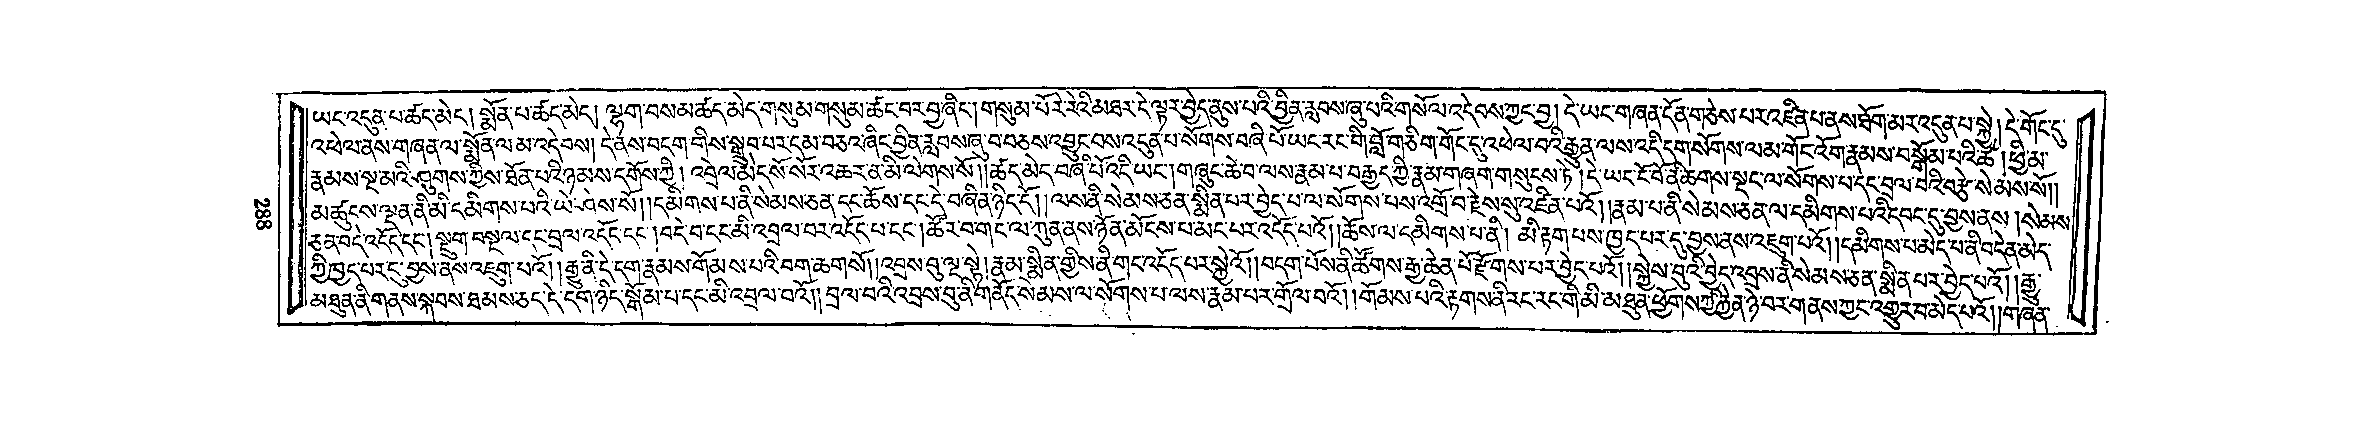ཡང་འདུན་པ་ཚད་མེད། སྨོན་པ་ཚད་མེད། ལྷག་བསམ་ཚད་མེད་གསུམ་གསུམ་ཚང་བར་བྱ་ཞིང་། གསུམ་པོ་རེ་རེའི་མཐར་དེ་ལྟར་བྱེད་ནུས་པའི་བྱིན་རླབས་ཞུ་པའི་གསོལ་འདེབས་ཀྱང་བྱ། དེ་ཡང་གཞན་དོན་གཅེས་པར་འཛིན་པ་ནས་ཐོག་མར་འདུན་པ་སྐྱེ། དེ་གོང་དུ་
འཕེལ་ནས་གཞན་ལ་སྨོན་ལམ་འདེབས། དེ་ནས་བདག་གིས་སྒྲུབ་པར་དམ་བཅའ་ཞིང་བྱིན་རླབས་ཞུ་བ་བཅས་འབྱུང་བས་འདུན་པ་སོགས་བཞི་པོ་ཡང་རང་གི་བློ་གཅིག་གོང་དུ་འཕེལ་བའི་རྒྱུན་ལས་འདི་དག་སོགས་ལམ་གོང་འོག་རྣམས་བསྒོམ་པའི་ཚེ། ཕྱི་མ་
རྣམས་སྔ་མའི་ཤུགས་ཀྱིས་ཐོན་པའི་ཉམས་དགོས་ཀྱི། འབྲེལ་མེད་སོ་སོར་འཆར་ན་མི་ལེགས་སོ། །ཚད་མེད་བཞི་པོ་འདི་ཡང་། གཞུང་ཆེ་བ་ལས་རྣམ་པ་བརྒྱད་ཀྱི་རྣམ་གཞག་གསུངས་ཏེ། དེ་ཡང་ངོ་བོ་ནི་ཆགས་སྡང་ལ་སོགས་པ་དང་བྲལ་བའི་བརྩེ་སེམས་སོ།
མཚུངས་ལྡན་ནི་མི་དམིགས་པའི་ཡེ་ཤེས་སོ། །དམིགས་པ་ནི་སེམས་ཅན་དང་ཆོས་དང་དེ་བཞིན་ཉིད་དོ། །ལས་ནི་སེམས་ཅན་སྨིན་པར་བྱེད་པ་ལ་སོགས་པས་འགྲོ་བ་རྗེས་སུ་འཛིན་པའོ། །རྣམ་པ་ནི་སེམས་ཅན་ལ་དམིགས་པའི་དབང་དུ་བྱས་ནས། སེམས་
ཅན་བདེ་འདོད་དང་། སྡུག་བསྔལ་དང་བྲལ་འདོད་དང་། བདེ་བ་དང་མི་འབྲལ་བར་འདོད་པ་དང་། ཚོར་བ་གང་ལ་ཀུན་ནས་ཉོན་མོངས་པ་མང་པར་འདོད་པའོ། །ཆོས་ལ་དམིགས་པ་ནི། མི་རྟག་པས་ཁྱད་པར་དུ་བྱས་ནས་འཇུག་པའོ། །དམིགས་པ་མེད་པ་ནི་བདེན་མེད་
ཀྱི་ཁྱད་པར་དུ་བྱས་ནས་འཇུག་པའོ། །རྒྱུ་ནི་དེ་དག་རྣམས་གོམས་པའི་བག་ཆགས་སོ། །འབྲས་བུ་ལྔ་སྟེ། རྣམ་སྨིན་གྱིས་ནི་གང་འདོད་པར་སྐྱེའོ། །བདག་པོས་ནི་ཚོགས་རྒྱ་ཆེན་པོ་རྫོགས་པར་བྱེད་པའོ། །སྐྱེས་བུའི་བྱེད་འབྲས་ནི་སེམས་ཅན་སྨིན་པར་བྱེད་པའོ། །རྒྱུ་
མཐུན་ནི་གནས་སྐབས་ཐམས་ཅད་དེ་དག་ཉིད་སྒོམ་པ་དང་མི་འབྲལ་བའོ། །བྲལ་བའི་འབྲས་བུ་ནི་གནོད་སེམས་ལ་སོགས་པ་ལས་རྣམ་པར་གྲོལ་བའོ། །གོམས་པའི་རྟགས་ནི་རང་རང་གི་མི་མཐུན་ཕྱོགས་ཀྱི་རྐྱེན་ཉེ་བར་གནས་ཀྱང་འགྱུར་བ་མེད་པའོ། །གཞན་